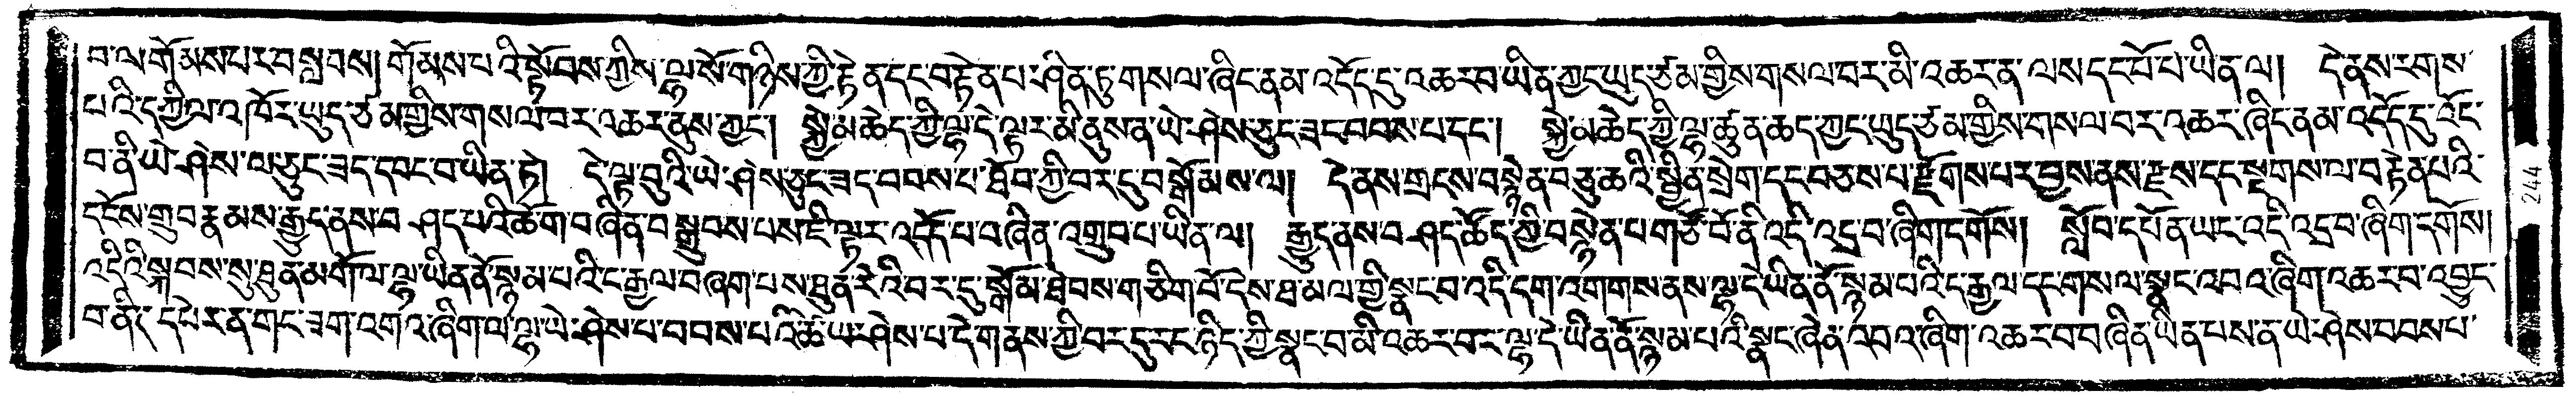བ་ལ་གོམས་པར་བསླབས། གོམས་པའི་སྟོབས་ཀྱིས་ལྷ་སོ་གཉིས་ཀྱི་རྟེན་དང་བརྟེན་པ་ཤིན་ཏུ་གསལ་ཞིང་ནམ་འདོད་དུ་འཆར་བ་ཡིན་ཀྱང་ཡུད་ཙམ་གྱིས་གསལ་བར་མི་འཆར་ན་ལས་དང་པོ་པ་ཡིན་ལ། དེ་ནས་རགས་
པའི་དཀྱིལ་འཁོར་ཡུད་ཙམ་གྱིས་གསལ་བར་འཆར་ནུས་ཀྱང་། སྐྱེ་མཆེད་ཀྱི་ལྷ་དེ་ལྟར་མི་ནུས་ན་ཡེ་ཤེས་ཅུང་ཟད་བབས་པ་དང་། སྐྱེ་མཆེད་ཀྱི་ལྷ་ཚུན་ཆད་ཀྱང་ཡུད་ཙམ་གྱིས་གསལ་བར་འཆར་ཞིང་ནམ་འདོད་དུ་འོང་
བ་ནི་ཡེ་ཤེས་ལ་ཅུང་ཟད་དབང་བ་ཡིན་ཏེ། དེ་ལྟ་བུའི་ཡེ་ཤེས་ཅུང་ཟད་བབས་པ་ཐོབ་ཀྱི་བར་དུ་བསྒོམས་ལ། དེ་ནས་གྲངས་བསྙེན་བཅུ་ཆའི་སྦྱིན་སྲེག་དང་བཅས་པ་རྫོགས་པར་བྱས་ནས་རྫས་དང་སྔགས་ལ་བརྟེན་པའི་
དངོས་གྲུབ་རྣམས་རྒྱུད་ནས་བཤད་པའི་ཆོ་ག་བཞིན་བསྒྲུབས་པས་ཇི་ལྟར་འདོད་པ་བཞིན་འགྲུབ་པ་ཡིན་ལ། རྒྱུད་ནས་བཤད་ཚོད་ཀྱི་བསྙེན་པ་གཙོ་བོ་ནི་འདི་འདྲ་བ་ཞིག་དགོས། སློབ་དཔོན་ཡང་འདི་འདྲ་བ་ཞིག་དགོས།
འདིའི་སྐབས་སུ་ཐུན་མགོ་ལ་ལྷ་ཡིན་ནོ་སྙམ་པའི་ང་རྒྱལ་བཞག་པས་ཐུན་རེའི་བར་དུ་སྒོམ་ཐེབས་གཅིག་པོ་དེས་ཐ་མལ་གྱི་སྣང་བ་འདི་དག་འགགས་ནས་ལྷ་དེ་ཡིན་ནོ་སྙམ་པའི་ང་རྒྱལ་དང་གསལ་སྣང་འབའ་ཞིག་འཆར་བ་འབྱུང་
བ་ནི༑ དཔེར་ན་གང་ཟག་འགའ་ཞིག་ལ་ལྷ་ཡེ་ཤེས་པ་བབས་པའི་ཚེ་ཡེ་ཤེས་པ་དེ་གནས་ཀྱི་བར་དུ་རང་ཉིད་ཀྱི་སྣང་བ་མི་འཆར་བར་ལྷ་དེ་ཡིན་ནོ་སྙམ་པའི་སྣང་ཞེན་འབའ་ཞིག་འཆར་བ་བཞིན་ཡིན་པས་ན་ཡེ་ཤེས་བབས་པ་